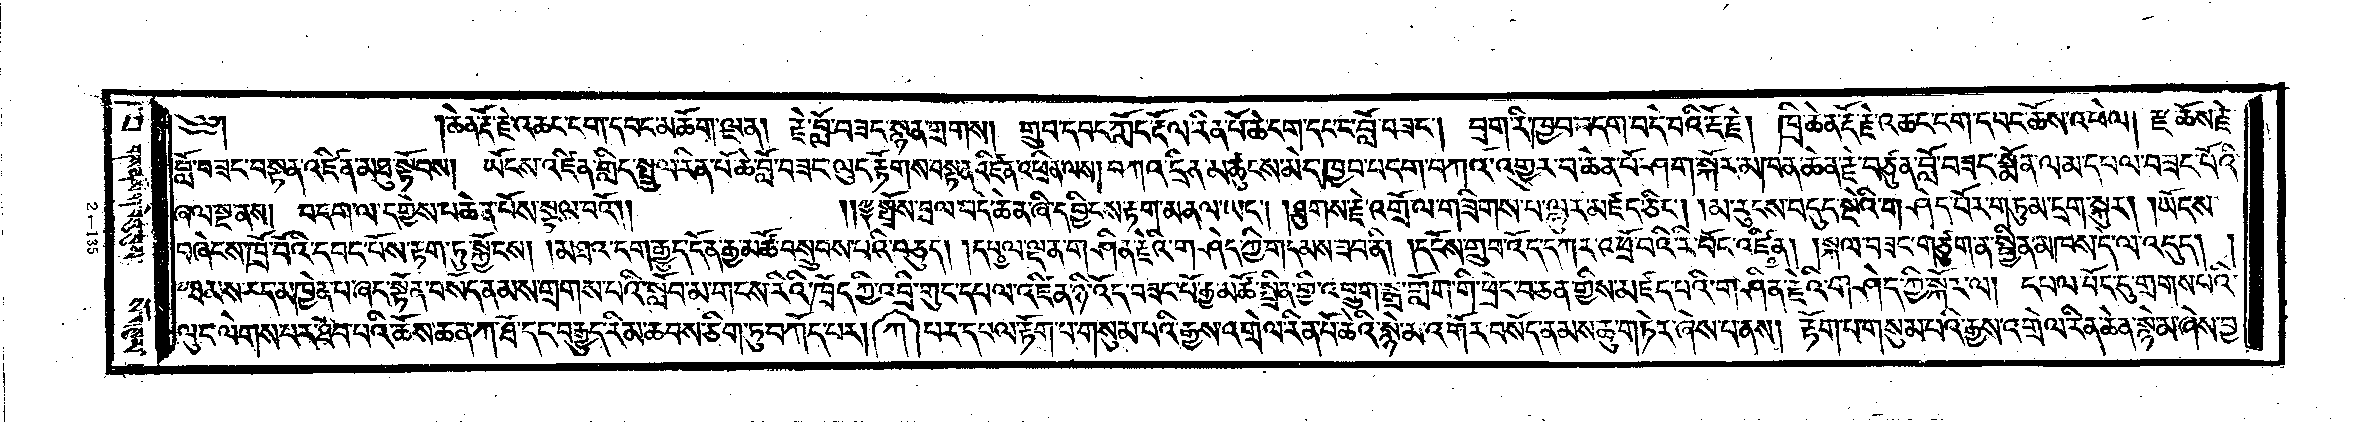༄༅། །ཆེན་རྡོ་རྗེ་འཆང་ངག་དབང་མཆོག་ལྡན། རྗེ་བློ་བཟང་སྙན་གྲགས། གྲུབ་དབང་ཀློང་རྡོལ་རིན་པོ་ཆེ་ངག་དབང་བློ་བཟང་། བྲག་རི་ཁྱབ་བདག་བདེ་བའི་རྡོ་རྗེ། ཁྲི་ཆེན་རྡོ་རྗེ་འཆང་ངག་དབང་ཆོས་འཕེལ། རྫ་ཆོས་རྗེ་
བློ་བཟང་བསྟན་འཛིན་མཐུ་སྟོབས། ཡོངས་འཛིན་གླིང་སྤྲུལ་རིན་པོ་ཆེ་བློ་བཟང་ལུང་རྟོགས་བསྟན་འཛིན་འཕྲིན་ལས། བཀའ་དྲིན་མཚུངས་མེད་ཁྱབ་བདག་བཀའ་འགྱུར་བ་ཆེན་པོ་ཤག་སྐོར་མཁན་ཆེན་རྗེ་བཙུན་བློ་བཟང་སྨོན་ལམ་དཔལ་བཟང་པོའི་
ཞལ་སྔ་ནས། བདག་ལ་དགྱེས་པ་ཆེན་པོས་སྩལ་བའོ།། །། ༈ སྤྲོས་བྲལ་བདེ་ཆེན་ཞི་དབྱིངས་རྟག་མནལ་ཡང་། །ཐུགས་རྗེ་འགྲོ་ལ་གཟིགས་པ་ལྷུར་མཛད་ཅིང་། །མ་རུངས་བདུད་སྡེའི་གཤེད་པོར་གཏུམ་དྲག་སྐུར། །ཡོངས་
བཞེངས་ཁྲོ་བོའི་དབང་པོས་རྟག་ཏུ་སྐྱོངས། །མཐའ་དག་རྒྱུད་དོན་རྒྱ་མཚོ་བསྲུབས་པའི་བཅུད། །དཔལ་ལྡན་གཤིན་རྗེའི་གཤེད་ཀྱི་གདམས་ཟབ་ནི། །དངོས་གྲུབ་འོད་དཀར་འཕྲོ་བའི་རི་བོང་འཛིན། །སྐལ་བཟང་གཙུག་ན་སྦྱིན་མཁས་དེ་ལ་འདུད། །
༧ཐམས་ཅད་མཁྱེན་པ་ཞང་སྟོན་བསོད་ནམས་གྲགས་པའི་སློབ་མ་གངས་རིའི་ཁྲོད་ཀྱི་འབྲི་གུང་དཔལ་འཛིན་ཉི་འོད་བཟང་པོ་རྒྱ་མཚོ་སྤྲིན་གྱི་འབྲུག་སྒྲ་གློག་གི་ཕྲེང་བ་ཅན་གྱིས་མཛད་པའི་གཤིན་རྗེའི་གཤེད་ཀྱི་སྐོར་ལ། དཔལ་བོད་དུ་གྲགས་པའི་
ལུང་ལེགས་པར་ཐོབ་པའི་ཆོས་ཆན་ཀ་ཐོ་དང་བརྒྱུད་རིམ་ཆབས་ཅིག་ཏུ་བཀོད་པར། ༼ཀ༽ པར་དཔལ་རྟོག་པ་གསུམ་པའི་རྒྱས་འགྲེལ་རིན་པོ་ཆེའི་སྙེ་མ་འགོར་བསོད་ནམས་ཆུ་གཏེར་ཞེས་པ་ནས། རྟོག་པ་གསུམ་པའི་རྒྱས་འགྲེལ་རིན་ཆེན་སྙེ་མ་ཞེས་བྱ་